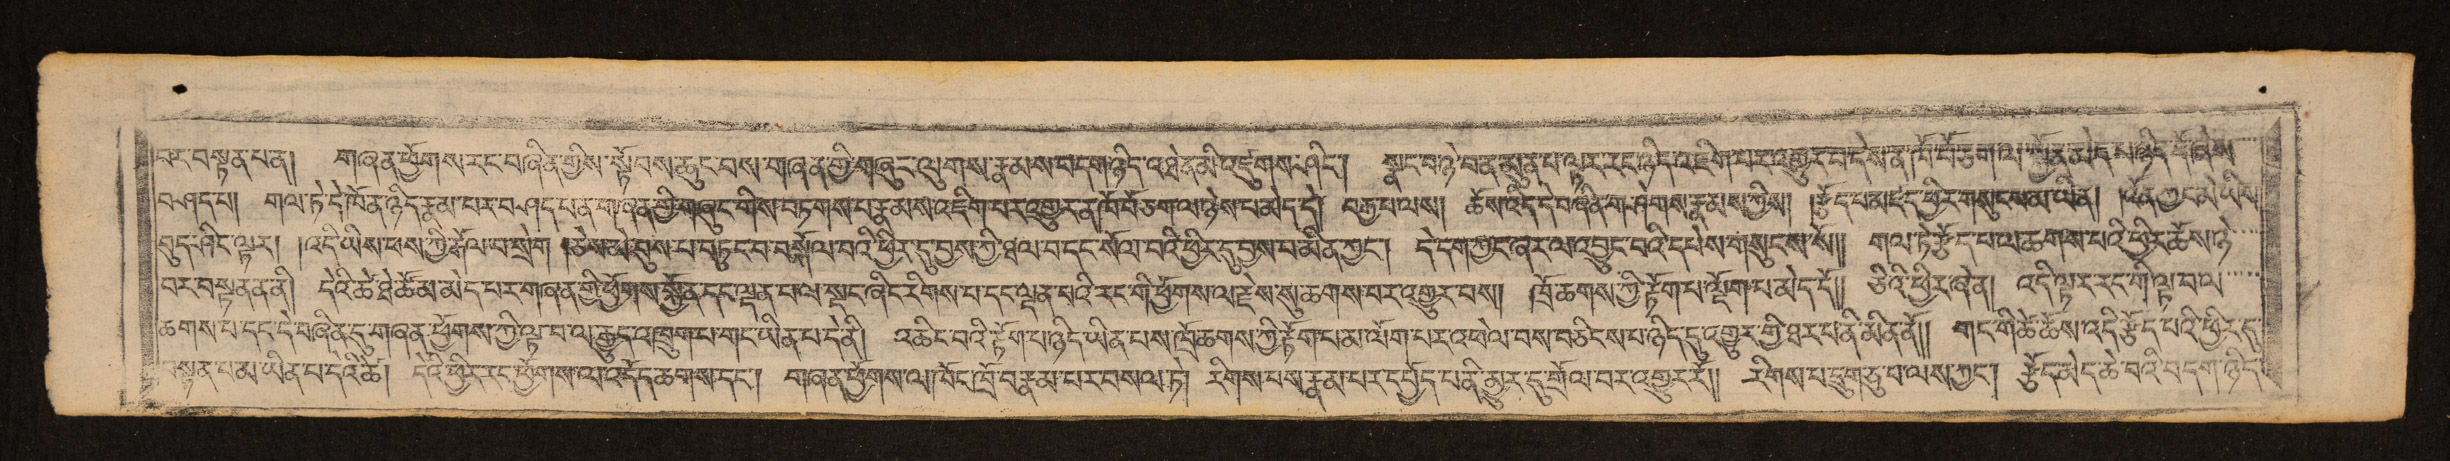བར་བསྟན་པ་ན། གཞན་ཕྱོགས་རང་བཞིན་གྱིས་སྟོབས་ཆུང་བས་གཞན་གྱི་གཞུང་ལུགས་རྣམས་བདག་ཉིད་འཐེན་མི་འཛུགས་ཤིང་། སྣང་བ་ཉེ་བ་ན་མུན་པ་ལྟར་རང་ཉིད་འཇིག་པར་འགྱུར་བ་དེས་ན་ཁོ་བོ་ཅག་ལ་སྐྱོན་མེད་པ་ཉིད་དོ་ཞེས་
བཤད་པ། གལ་ཏེ་དེ་ཁོ་ན་ཉིད་རྣམ་པར་བཤད་པ་ན་གཞན་གྱི་གཞུང་གིས་བཏགས་པ་རྣམས་འཇིག་པར་འགྱུར་ན་ཁོ་བོ་ཅག་ལ་ཉེས་པ་མེད་དེ། བརྒྱ་པ་ལས། ཆོས་འདི་དེ་བཞིན་གཤེགས་རྣམས་ཀྱིས། །རྩོད་པ་མཛད་ཕྱིར་གསུངས་མ་ཡིན། །འོན་ཀྱང་མེ་ཡིས་
བུད་ཤིང་ལྟར། །འདི་ཡིས་ཕས་ཀྱི་རྒོལ་བ་སྲེག །ཅེས་མེ་བུས་པ་བཏུང་བ་བསྐོལ་བའི་ཕྱིར་དུ་བྱས་ཀྱི་ཐལ་བ་དང་སོལ་བའི་ཕྱིར་དུ་བྱས་པ་མིན་ཀྱང་། དེ་དག་ཀྱང་ཞར་ལ་འབྱུང་བའི་དཔེས་གསུངས་སོ།། གལ་ཏེ་རྩོད་པ་ལ་ཆགས་པའི་ཕྱིར་ཆོས་ཉེ་
བར་བསྟན་ན་ནི། དེའི་ཚེ་ཐེ་ཚོམ་མེད་པར་གཞན་གྱི་ཕྱོགས་སྐྱོན་དང་ལྡན་པ་ལ་སྡང་ཞིང་རིགས་པ་དང་ལྡན་པའི་རང་གི་ཕྱོགས་ལ་རྗེས་སུ་ཆགས་པར་འགྱུར་བས། ཁྲོ་ཆགས་ཀྱི་རྟོག་པ་ལྡོག་པ་མེད་དོ།། ཅིའི་ཕྱིར་ཞེ་ན། འདི་ལྟར་རང་གི་ལྟ་བ་ལ་
ཆགས་པ་དང་དེ་བཞིན་དུ་གཞན་ཕྱོགས་ཀྱི་ལྟ་བ་ལ་རྒྱུད་འཁྲུག་པ་གང་ཡིན་པ་དེ་ནི། འཆིང་བའི་རྟོག་པ་ཉིད་ཡིན་པས་ཁྲོ་ཆགས་ཀྱི་རྟོག་པ་མ་ལོག་པར་འཕེལ་བས་བཅིངས་པ་ཉིད་དུ་འགྱུར་གྱི་ཐར་པ་ནི་མིན་ནོ།། གང་གི་ཚེ་ཆོས་འདི་རྩོད་པའི་ཕྱིར་དུ་
བསྟན་པ་མ་ཡིན་པ་དེའི་ཚེ། དེའི་ཕྱིར་རང་ཕྱོགས་ལ་འདོད་ཆགས་དང་། གཞན་ཕྱོགས་ལ་ཁོང་ཁྲོ་བ་རྣམ་པར་བསལ་ཏེ། རིགས་པས་རྣམ་པར་དཔྱོད་པ་ནི་མྱུར་དུ་གྲོལ་བར་འགྱུར་རོ།། རིགས་པ་དྲུག་ཅུ་པ་ལས་ཀྱང་། རྩོད་མེད་ཆེ་བའི་བདག་ཉིད་